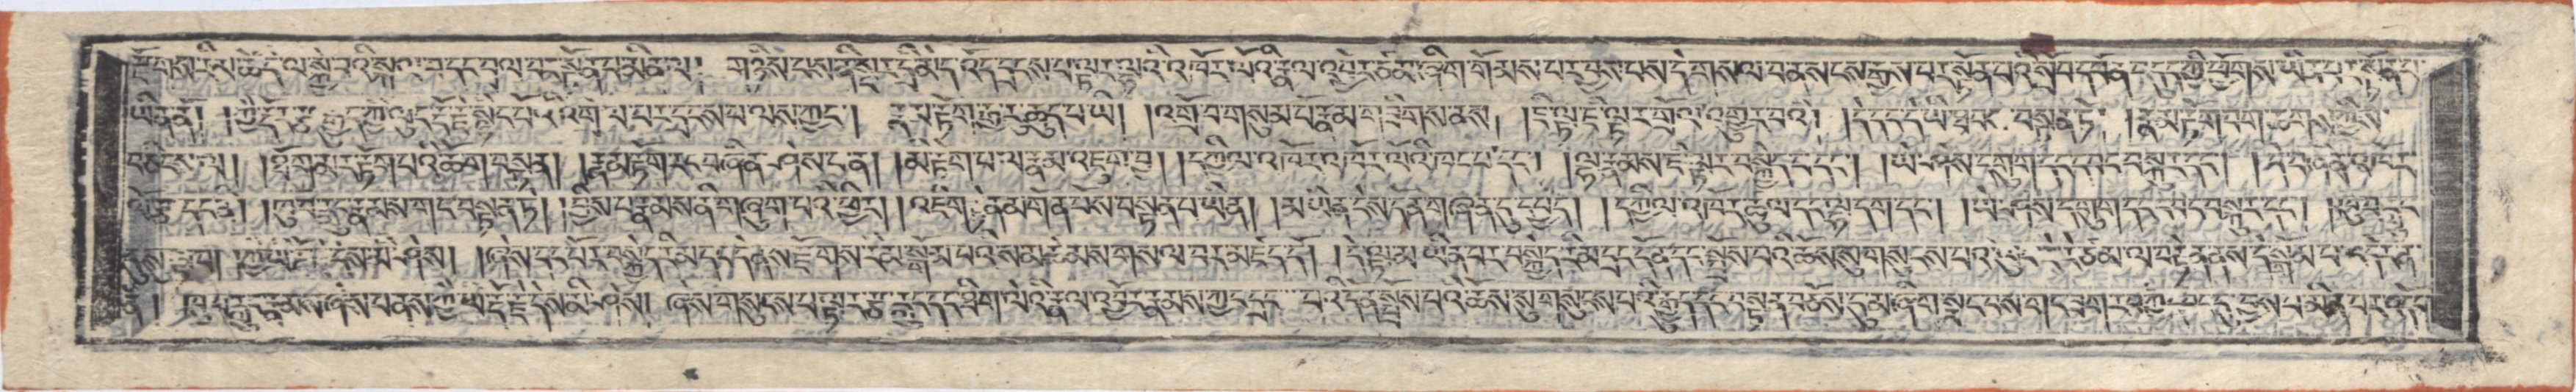རྫོགས་རིམ་ཚེ་དེ་ལ་སྐྱེ་བའི་སྐལ་བ་དང་བྲལ་བར་སྟོན་པ་མིན་ལ། གཉིས་པས་ནི་སྔར་དྲི་མེད་འོད་དྲངས་པ་ལྟར་ལྷའི་འཁོར་ལོའི་རྣལ་འབྱོར་ཙམ་ཞིག་གོམས་པར་བྱས་པས་དེ་གསལ་བ་ན་སངས་རྒྱས་པར་སྟོན་པའི་སློབ་དཔོན་བདུད་ཀྱི་ཕྱོགས་ཡིན་པར་སྟོན་པ་
ཡིན་ནོ། །ཀྱཻ་རྡོར་རྩ་རྒྱུད་ཀྱི་ལུང་རྡོ་རྗེ་སྙིང་པོའི་འགྲེལ་པར་དྲངས་པ་ལས་ཀྱང་། རྣམ་རྟོག་རྒྱ་རུ་ཆུད་པ་ཡི། །འགྲོ་བ་གསུམ་པོ་རྣམ་གཟིགས་ནས། །ཇི་ལྟ་ཇི་ལྟར་གྲོལ་འགྱུར་བའི། །དེ་དང་དེ་ཡི་ཐབས་བསྟན་ཏོ། །རྣམ་རྟོག་བག་ཆགས་ཀྱིས་
བཅིངས་ལ། །ཐོག་མར་རྟོག་པའི་ཆོ་ག་བསྟན། །རྣམ་རྟོག་རང་བཞིན་ཤེས་པ་ན། །མི་རྟོག་པ་ལ་རྣམ་འཇུག་བྱ། །དཀྱིལ་འཁོར་འཁོར་ལོའི་ཁང་པ་དང་། །ལྷ་རྣམས་ཇི་ལྟར་བསྐྱེད་པ་དང་། །ཡེ་ཤེས་དགུག་དང་དབང་བསྐུར་དང་། །དེ་བཞིན་འཁོར་
ལོ་རྩ་དང་ནི། །ཁུ་བ་རླུང་རྣམས་གང་བསྟན་ཏེ། །བྱིས་པ་རྣམས་ནི་གཞུག་པའི་ཕྱིར། །འཇིག་རྟེན་མགོན་པོས་བསྟན་པ་ཡིན། །མ་ཡིན་ངེས་དོན་གཞན་དུ་དཔྱད། །དཀྱིལ་འཁོར་ཚུལ་དང་ལྷ་དག་དང་། །ཡེ་ཤེས་དགུག་དང་དབང་བསྐུར་དང་། །ཁུ་བ་རླུང་
དུས་སུ་ལྟ་བ། །ཀྱཻ་ཡི་རྡོ་རྗེ་དེས་མི་ཤེས། །ཞེས་དང་པོར་བསྐྱེད་རིམ་དང་དེ་ནས་རྫོགས་རིམ་སྒོམ་པའི་ས་མཚམས་གསལ་བར་མཛད་དོ། །དེ་ལྟ་མ་ཡིན་པར་བསྐྱེད་རིམ་དྲང་དོན་དང་སྤྲོས་པའི་ཆོས་སུ་གསུངས་པའི་ལུང་རེ་རེ་ཙམ་ལ་བརྟེན་ནས་དེ་སྒོམ་པ་འདོར་ན་
ནི། ཁུ་བ་རླུང་རྣམས་ཞེས་པ་ནས་ཀྱཻ་ཡི་རྡོ་རྗེ་དེས་མི་ཤེས། ཞེས་གསུངས་པ་ལྟར་རྩ་རླུང་དང་ཐིག་ལེའི་རྣལ་འབྱོར་རྣམས་ཀྱང་དྲང་པའི་དོན་སྤྲོས་པའི་ཆོས་སུ་གསུངས་པའི་རྒྱུད་དང་བསྟན་བཅོས་དུ་མ་ཞིག་སྣང་བས་གང་ཟག་རབ་ཀྱི་དབང་དུ་བྱས་པ་མིན་པར་འདོད་